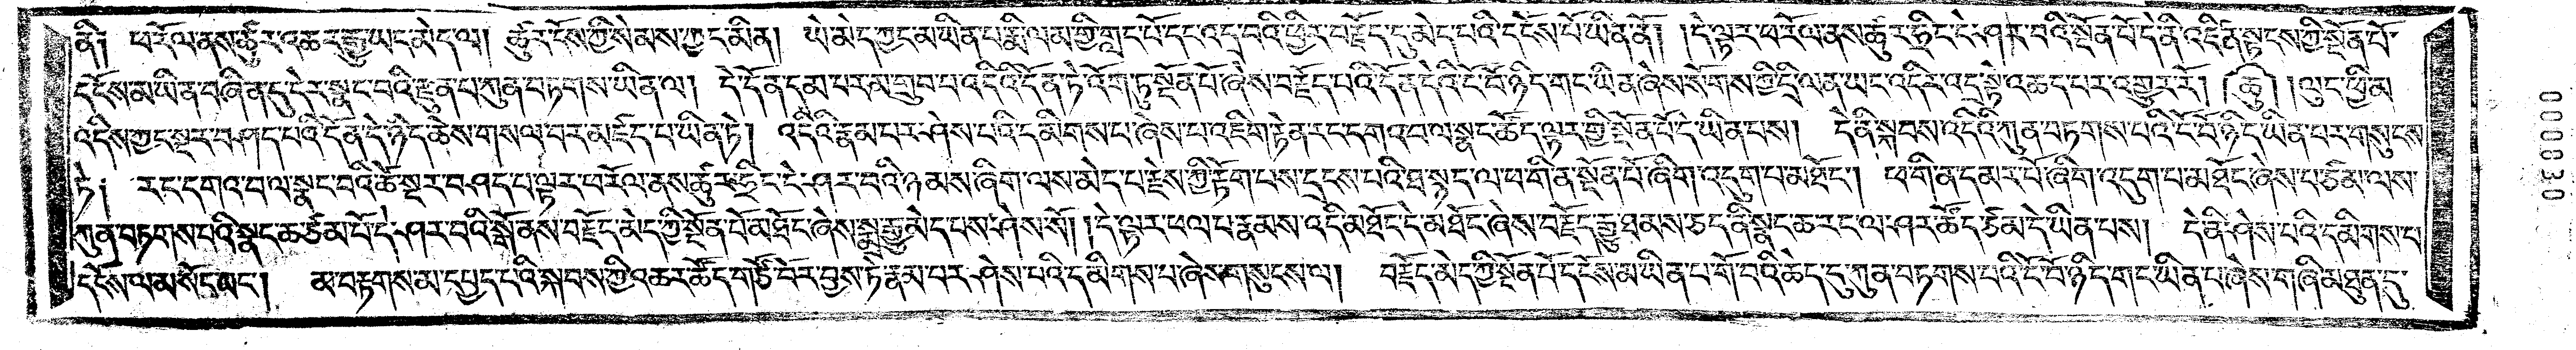ནི༑ ཕ་རོལ་ནས་ཚུར་འཆར་རྒྱུ་ཡང་མེད་ལ། ཚུར་ངོས་ཀྱི་སེམས་ཀྱང་མིན། ཡེ་མེད་ཀྱང་མ་ཡིན་པ་རྨི་ལམ་གྱི་གླང་པོ་དང་འདྲ་བའི་ཕྱིར་བརྗོད་དུ་མེད་པའི་དངོས་པོ་ཡིན་ནོ། །དེ་ལྟར་ཕ་རོལ་ནས་ཚུར་ཧྲིང་ངེ་ཤར་བའི་སྔོན་པོ་དེ་ནི་འཛིན་སྟངས་ཀྱི་སྔོན་པོ་
དངོས་མ་ཡིན་བཞིན་དུ་དེར་སྣང་བའི་རྫུན་པ་ཀུན་བཏགས་ཡིན་ལ། དེ་དོན་དམ་པར་མ་གྲུབ་པ་འདིའི་དོན་ཏེ་འོག་ཏུ་སྔོན་པོ་ཞེས་བརྗོད་པའི་དོན་དེའི་ངོ་བོ་ཉིད་གང་ཡིན་ཞེས་སོགས་ཀྱི་དྲི་ལན་ཡང་འདིར་འདྲ་སྟེ་འཆད་པར་འགྱུར་རོ། ༼ཆུ༽ །ལུང་ཕྱི་མ་
འདིས་ཀྱང་སྔར་བཤད་པའི་དོན་དེ་ཉིད་ཆེས་གསལ་བར་མཛད་པ་ཡིན་ཏེ། འདིའི་རྣམ་པར་ཤེས་པའི་དམིགས་པ་ཞེས་པ་འཇིག་རྟེན་རང་དགའ་བ་ལ་སྣང་ཚོད་ལྟར་གྱི་སྔོན་པོ་དེ་ཡིན་པས། དེ་ནི་སྐབས་འདིའི་ཀུན་བཏགས་པའི་ངོ་བོ་ཉིད་ཡིན་པར་གསུངས་
ཏེ༑ རང་དགའ་བ་ལ་སྣང་བའི་ཚེ་སྔར་བཤད་པ་ལྟར་ཕ་རོལ་ནས་ཚུར་ཧྲིང་ངེ་ཤར་བའི་ཉམས་ཞིག་ལས་མེད་པ་རྗེས་ཀྱི་རྟོག་པས་དྲངས་པའི་ཐ་སྙད་ལ་ཕ་གི་ན་སྔོན་པོ་ཞིག་འདུག་པ་མཐོང་། ཕ་གི་ན་དམར་པོ་ཞིག་འདུག་པ་མཐོང་ཞེས་པ་ཙམ་ལས་
ཀུན་བཏགས་པའི་སྣང་ཆ་ཙམ་པོ་དེ་ཤར་བའི་སྒོ་ནས་བརྗོད་མེད་ཀྱི་སྔོན་པོ་མཐོང་ཞེས་སྨྲ་རྒྱུ་མེད་པས་ཤེས་སོ། །དེ་ལྟར་ཕལ་པ་རྣམས་འདི་མཐོང་དེ་མཐོང་ཞེས་བརྗོད་རྒྱུ་ཐམས་ཅད་ནི་སྣང་ཆ་རང་ལ་ཤར་ཚོད་ཙམ་དེ་ཡིན་པས། དེ་ནི་ཤེས་པའི་དམིགས་པ་
དངོས་ལ་མ་སོང་ཡང་། མ་བརྟགས་མ་དཔྱད་པའི་སྐབས་ཀྱི་འཆར་ཚོད་གཙོ་བོར་བྱས་ཏེ་རྣམ་པར་ཤེས་པའི་དམིགས་པ་ཞེས་གསུངས་ལ། བརྗོད་མེད་ཀྱི་སྔོན་པོ་དངོས་མ་ཡིན་པ་གོ་བའི་ཆེད་དུ་ཀུན་བཏགས་པའི་ངོ་བོ་ཉིད་གང་ཡིན་པ་ཞེས་གཞི་མཐུན་དུ་